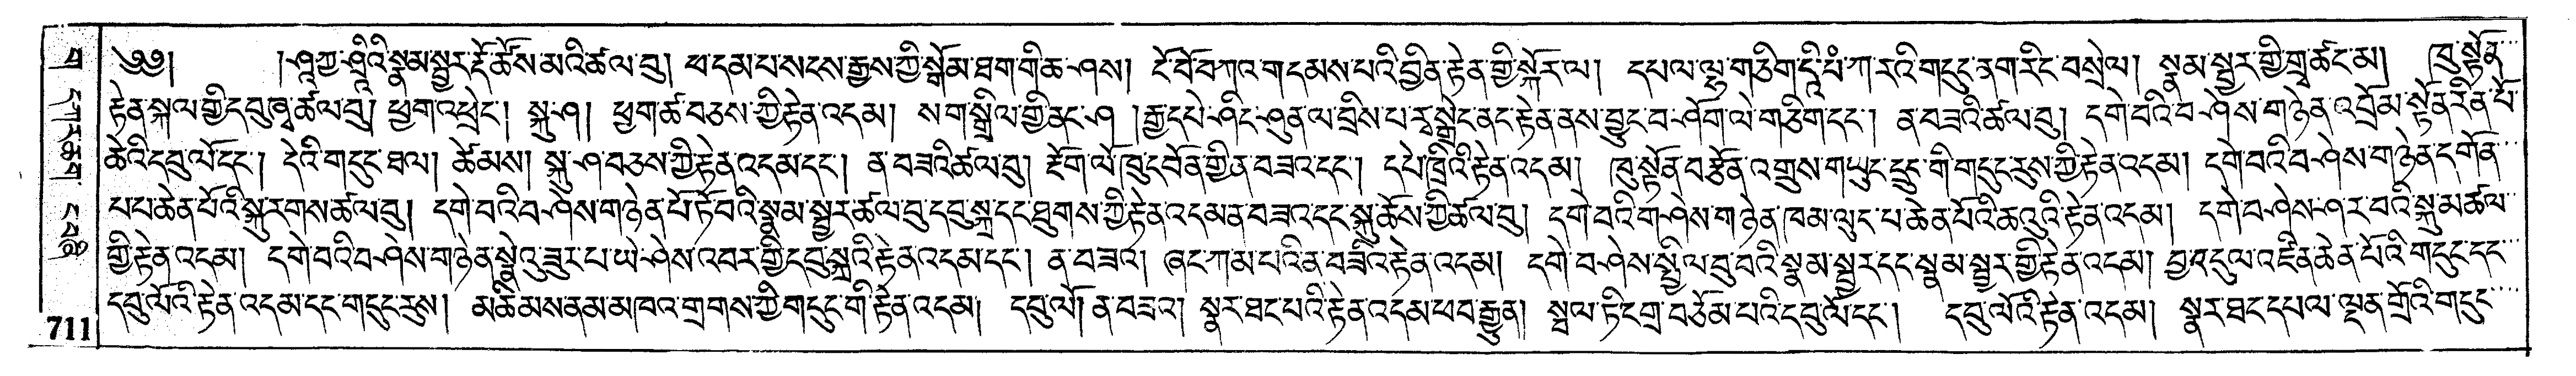༄༅། །ཤཱཀྱ་ཤྲཱིའི་སྣམ་སྦྱར་རྡོ་ཆོས་མའི་ཚལ་བུ། ཕ་དམ་པ་སངས་རྒྱས་ཀྱི་སྒོམ་ཐག་གི་ཆ་ཤས། ཇོ་བོ་བཀའ་གདམས་པའི་བྱིན་རྟེན་གྱི་སྐོར་ལ། དཔལ་ལྷ་གཅིག་དཱི་པཾ་ཀ་རའི་གདུང་ནག་རིང་བསྲེལ། སྣམ་སྦྱར་གྱི་གྲྭ་ཚང་མ། ཁུ་སྟོན་
རྟེན་སྐལ་གྱི་དབུ་ཞྭ་ཚལ་བུ། ཕྱག་འཕྲེང་། སྐུ་ཤ། ཕྱག་ཚས་བཅས་ཀྱི་རྟེན་འདམ། སག་སྒྲིལ་གྱི་ནང་ཤ། རྒྱ་དཔེ་ཤིང་ཤུན་ལ་བྲིས་པ་རྭ་སྒྲེང་ནང་རྟེན་ནས་བྱུང་བ་ཤོག་ལེ་གཅིག་དང་། ན་བཟའ་ཚིལ་བུ། དགེ་བའི་བཤེས་གཉེན་འབྲོམ་སྟོན་རིན་པོ་
ཆེའི་དབུ་ལོ་དང་། དེའི་གདུང་ཐལ། ཚེམས། སྐུ་ཤ་བཅས་ཀྱི་རྟེན་འདམ་དང་། ན་བཟའི་ཚལ་བུ། རྡོག་ལོ་ཁུ་དཔོན་གྱི་ན་བཟའ་དང་། དཔེ་ཁྲིའི་རྟེན་འདམ། ཁུ་སྟོན་བརྩོན་འགྲུས་གཡུང་དྲུང་གི་གདུང་རུས་ཀྱི་རྟེན་འདམ། དགེ་བའི་བཤེས་གཉེན་དགོན་
པ་པ་ཆེན་པོའི་སྐུ་རགས་ཚལ་བུ། དགེ་བའི་བཤེས་གཉེན་པོ་ཏོ་བའི་སྣམ་སྦྱར་ཚལ་བུ་དབུ་སྐྲ་དང་ཐུགས་ཀྱི་རྟེན་འདམ་ན་བཟའ་དང་སྐུ་ཆོས་ཀྱི་ཚལ་བུ། དག་བའི་བཤེས་གཉེན་ཁམ་ལུང་པ་ཆེན་པོའི་ཆའུའི་རྟེན་འདམ། དགེ་བཤེས་ཤར་བའི་སྐུ་མཚལ་
གྱི་རྟེན་འདམ། དགེ་བའི་བཤེས་གཉེན་སྣེའུ་ཟུར་པ་ཡེ་ཤེས་འབར་གྱི་དབུ་སྐྲའི་རྟེན་འདམ་དང་། ན་བཟའ། ཞང་ཀ་མ་པའི་ན་བཟའི་རྟེན་འདམ། དགེ་བཤེས་སྤྱིལ་བུ་བའི་སྣམ་སྦྱར་དང་སྣམ་སྦྱར་གྱི་རྟེན་འདམ། བྱ་འདུལ་འཛིན་ཆེན་པོའི་གདུང་དང་
དབུ་ལོའི་རྟེན་འདམ་དང་གདུང་རུས། མཚམས་ནམ་མཁའ་གྲགས་ཀྱི་གདུང་གི་རྟེན་འདམ། དབུ་ལོ། ན་བཟའ། སྣར་ཐང་པའི་རྟེན་འདམ་ཕབ་རྒྱུན། སྤལ་ཏི་དགྲ་བཅོམ་པའི་དབུ་ལོ་དང་། དབུ་ལོའི་རྟེན་འདམ། སྣར་ཐང་དཔལ་ལྡན་གྲོའི་གདུང་